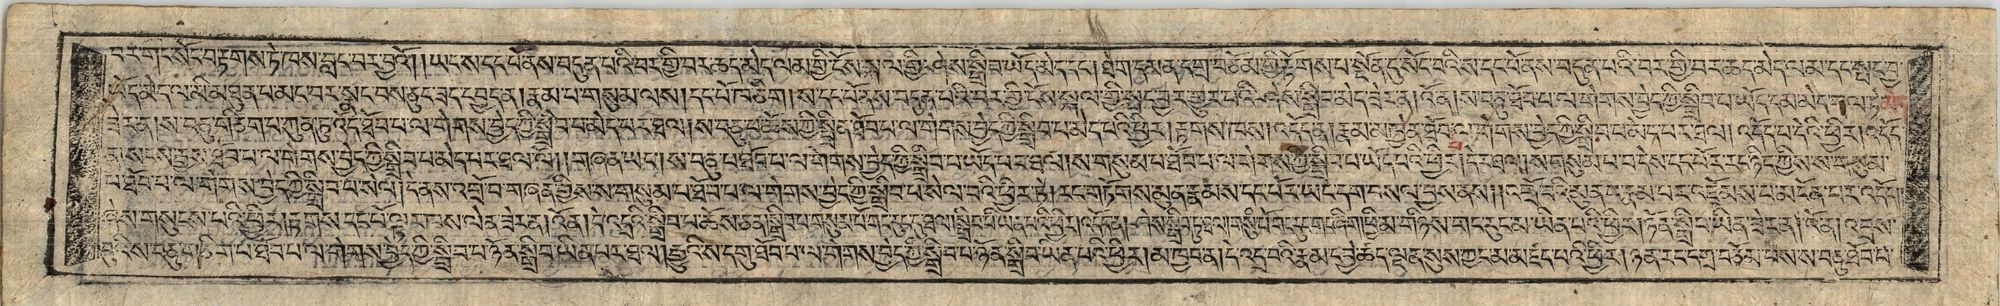བར་གང་སོང་བརྟགས་ཏེ་ཁས་བླང་བར་བྱའོ། །ཡང་ས་དང་པོ་ནས་བདུན་བའི་བར་གྱི་བར་ཆད་མེད་ལམ་གྱི་ངོས་སྐལ་གྱི་ཤེས་སྒྲིབ་ཡོད་མེད་དང་། ཐེག་དམན་དགྲ་བཅོམ་གྱི་རྟོགས་པ་སྔོན་དུ་སོང་བའི་ས་དང་པོ་ནས་བདུན་པའི་བར་གྱི་བར་ཆད་མེད་ལམ་དང་སྤང་བྱ་
ཡོད་མེད་ལ་མི་མཐུན་པ་མང་པར་སྣང་བས་ཅུང་ཟད་དཔྱད་ན། རྣམ་པ་གསུམ་ལས། དང་པོ་ཁ་ཅིག །ས་དང་པོ་ནས་བདུན་པའི་བར་གྱི་ངོས་སྐལ་གྱི་སྤང་བྱར་གྱུར་པའི་ཤེས་སྒྲིབ་མེད་ཟེར་ན། འོ་ན། ས་བཅུ་ཐོབ་པ་ལ་གེགས་བྱེད་ཀྱི་སྒྲིབ་པ་ཡོད་དམ་མེད་གལ་ཏེ་མེད་
ཟེར་ན། ས་བཅུ་གཅིག་པ་ཀུན་ཏུ་འོད་ཐོབ་པ་ལ་གེགས་བྱེད་ཀྱི་སྒྲིབ་པ་མེད་པར་ཐལ། ས་བཅུ་པ་ཆོས་ཀྱི་སྤྲིན་ཐོབ་པ་ལ་གེགས་བྱེད་ཀྱི་སྒྲིབ་པ་མེད་པའི་ཕྱིར། རྟགས་ཁས། འདོད་ན། རྣམ་མཁྱེན་ཐོབ་པ་ལ་གེགས་བྱེད་ཀྱི་སྒྲིབ་པ་མེད་པར་ཐལ། འདོད་པ་དེའི་ཕྱིར། འདོད་
ན། སངས་རྒྱས་ཐོབ་པ་ལ་གེགས་བྱེད་ཀྱི་སྒྲིབ་པ་མེད་པར་ཐལ་ལོ། །གཞན་ཡང་། ས་བཅུ་པ་ཐོབ་པ་ལ་གེགས་བྱེད་ཀྱི་སྒྲིབ་པ་ཡོད་པར་ཐལ། ས་གསུམ་པ་ཐོབ་པ་ལ་གེགས་ཀྱི་སྒྲིབ་པ་ཡོད་པའི་ཕྱིར། དེར་ཐལ། ས་གསུམ་པ་བ་དེས་དང་པོར་རང་ཉིད་ཀྱིས་ས་གསུམ་
པ་ཐོབ་པ་ལ་གེགས་བྱེད་ཀྱི་སྒྲིབ་པ་སེལ། དེ་ནས་འགྲོ་བ་གཞན་གྱིས་ས་གསུམ་པ་ཐོབ་པ་ལ་གེགས་བྱེད་ཀྱི་སྒྲིབ་པ་སེལ་བའི་ཕྱིར་ཏེ། རང་གཏོགས་མུན་རྣམས་དང་པོར་ཡང་དག་བསལ་བྱས་ནས། །འགྲོ་བའི་མུན་པ་རྣམ་པར་འཇོམས་པ་མངོན་པར་འདོད། །
ཞེས་གསུངས་པའི་ཕྱིར། རྟགས་དང་པོ་ལྟར་ཁས་ལེན་ཟེར་ན། འོ་ན། དེ་འདྲའི་སྒྲིབ་པ་ཆོས་ཅན། སྒྲིབ་པ་གསུམ་པོ་གང་རུང་དུ་ཐལ། སྒྲིབ་པ་ཡིན་པའི་ཕྱིར། འདོད་ན། ཤེས་སྒྲིབ་ཏུ་ཐལ། གསུམ་པོ་གང་རུང་གང་ཞིག །ཕྱི་མ་གཉིས་གང་རུང་མ་ཡིན་པའི་ཕྱིར། ཉོན་སྒྲིབ་ཡིན་ཟེར་ན། འོ་ན། འབྲས་
བུའི་ས་བཅུ་གཅིག་པ་ཐོབ་པ་ལ་གེགས་བྱེད་ཀྱི་སྒྲིབ་པ་ཉོན་སྒྲིབ་ཡིན་པར་ཐལ། རྒྱུའི་ས་དགུ་ཐོབ་པ་ལ་གེགས་བྱེད་ཀྱི་སྒྲིབ་པ་ཉོན་སྒྲིབ་ཡིན་པའི་ཕྱིར། མ་ཁྱབ་ན། དེ་འདྲ་བའི་རྣམ་དབྱེ་ཚད་ལྡན་སུས་ཀྱང་མ་མཛད་པའི་ཕྱིར། ཉན་རང་དགྲ་བཅོམ་པས་ས་བཅུ་ཐོབ་པ་